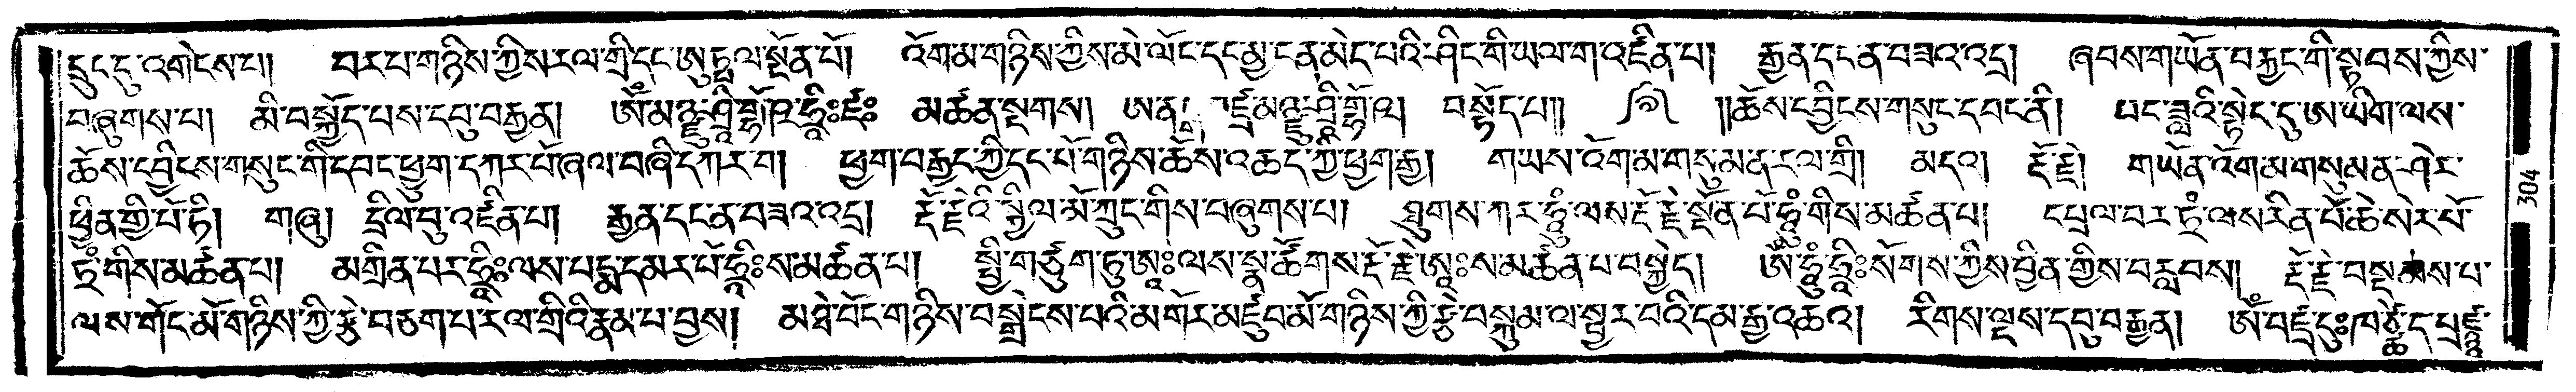དྲུང་དུ་འགེངས་པ། བར་པ་གཉིས་ཀྱིས་རལ་གྲི་དང་ཨུཏྤལ་སྔོན་པོ། འོག་མ་གཉིས་ཀྱིས་མེ་ལོང་དང་མྱ་ངན་མེད་པའི་ཤིང་གི་ཡལ་ག་འཛིན་པ། རྒྱན་དང་ན་བཟའ་འདྲ། ཞབས་གཡོན་བརྐྱང་གི་སྟབས་ཀྱིས་
བཞུགས་པ། མི་བསྐྱོད་པས་དབུ་བརྒྱན། ཨོཾ་མཉྫུ་ཤྲཱི་གྷོ་ཥ་ཧྲཱིཿཛཿ མཚན་སྔགས། ཨ་ནདག?་བཛྲ་མཉྫུ་ཤྲཱི་གྷོ་ཥ། བསྟོད་པ།། ༩?་།།ཆོས་དབྱིངས་གསུང་དབང་ནི། པད་ཟླའི་སྟེང་དུ་ཨ་ཡིག་ལས་
ཆོས་དབྱིངས་གསུང་གི་དབང་ཕྱུག་དཀར་པོ་ཞལ་བཞི་དཀར་བ། ཕྱག་བརྒྱད་ཀྱི་དང་པོ་གཉིས་ཆོས་འཆད་ཀྱི་ཕྱག་རྒྱ། གཡས་འོག་མ་གསུམ་ན་རལ་གྲི། མདའ། རྡོ་རྗེ། གཡོན་འོག་མ་གསུམ་ན་ཤེར་
ཕྱིན་གྱི་པོ་ཏི། གཞུ། དྲིལ་བུ་འཛིན་པ། རྒྱན་དང་ན་བཟའ་འདྲ། རྡོ་རྗེའི་སྐྱིལ་མོ་ཀྲུང་གིས་བཞུགས་པ། ཐུགས་ཀར་ཧཱུཾ་ལས་རྡོ་རྗེ་སྔོན་པོ་ཧཱུཾ་གིས་མཚན་པ། དཔྲལ་བར་ཏྲཾ་ལས་རིན་པོ་ཆེ་སེར་པོ་
ཏྲཾ་གིས་མཚན་པ། མགྲིན་པར་ཧྲཱིཿལས་པདམ་དམར་པོ་ཧྲཱིཿས་མཚན་པ། སྤྱི་གཙུག་ཏུ་ཨཱཿལས་སྣ་ཚོགས་རྡོ་རྗེ་ཨཱཿས་མཚན་པ་བསྐྱེད། ཨོཾ་ཧཱུཾ་ཧྲཱིཿསོགས་ཀྱིས་བྱིན་གྱིས་བརླབས། རྡོ་རྗེ་བསྡམས་པ་
ལས་གོང་མོ་གཉིས་ཀྱི་རྩེ་བཅག་པ་རལ་གྲིའི་རྣམ་པ་བྱས། མཐེ་བོང་གཉིས་བསྒྲེངས་པའི་མགོར་མཛུབ་མོ་གཉིས་ཀྱི་རྩེ་བསྐུམ་ལ་སྦྱར་བའི་དམ་རྒྱ་འཆའ། རིགས་ལྔས་དབུ་བརྒྱན། ཨོཾ་བཛྲ་དུཿཁཙྪེ་ད་པྲཛྙཱ་